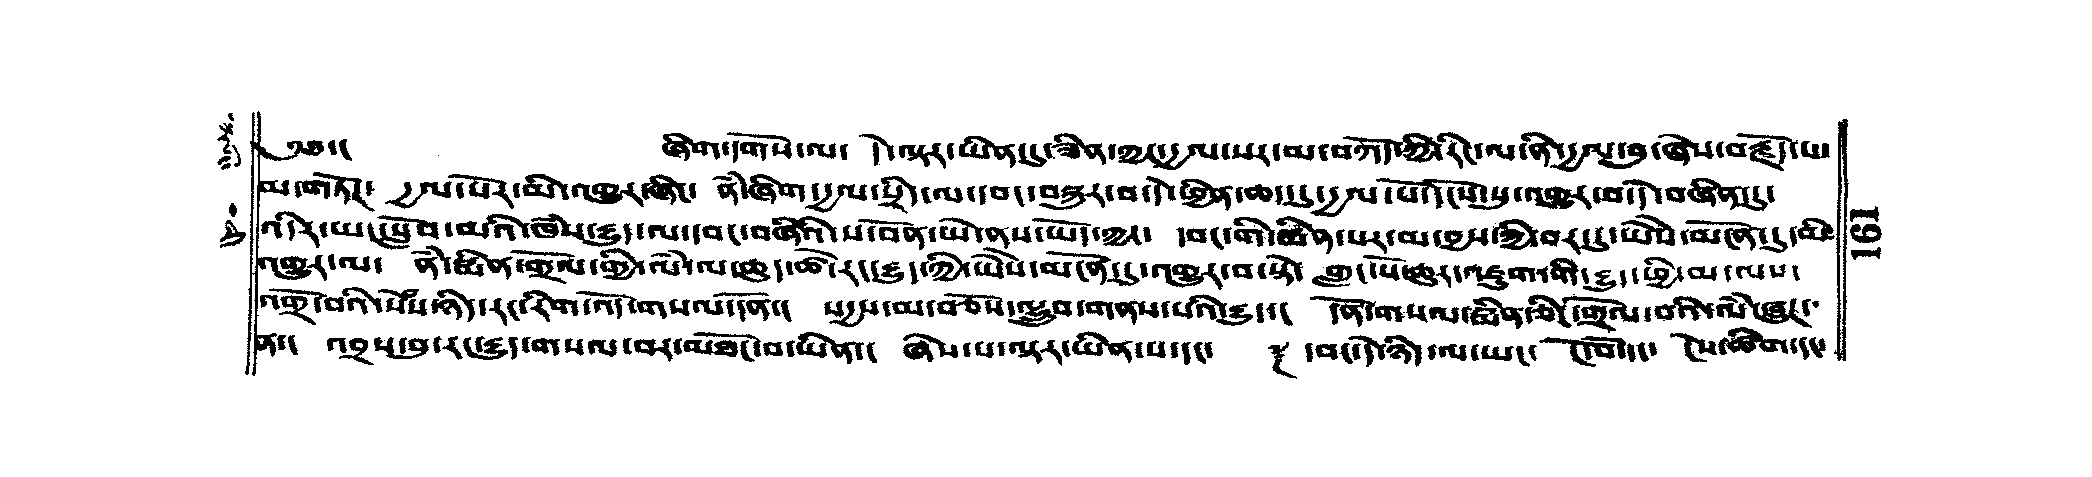ཞིག་དགོས་ལ། དེ་ལྟར་ཡིན་དུ་ཟིན་ཀྱང་རྒྱལ་སར་མ་བཀོད་ཀྱི་རིང་ལ་ནི་རྒྱལ་བུ་ཞེས་བརྗོད་པ་
མ་གཏོགས་རྒྱལ་པོར་མི་འགྱུར་ཞིང་། ནམ་ཞིག་རྒྱལ་སྲིད་ལ་དབང་བསྐུར་བ་དེ་ཕྱིན་ཆད་དུ་རྒྱལ་པོ་དངོས་སུ་འགྱུར་བ་དེ་བཞིན་དུ། 
འདིར་ཡང་སློབ་མའི་ཁམས་རྒྱུད་ལ་དབང་བཞིའི་ས་བོན་ཡེ་ནས་ཡོད་ཀྱང་། དབང་གི་སྨིན་པར་མ་བྱས་ཀྱི་བར་དུ་ཡེ་ཤེས་མངོན་དུ་མི་
འགྱུར་ལ། ནམ་སྨིན་གྲོལ་གྱི་ལམ་ལ་ཆུད་ཚེ་རང་རྒྱུད་ཀྱི་ཡེ་ཤེས་མངོན་དུ་འགྱུར་བ་སྟེ། གླང་པོ་ཆུར་འཇུག་གི་རྒྱུད་ཕྱི་མ་ལས། 
འགྲོ་བའི་སེམས་ཉིད་རང་རིག་འོད་གསལ་དོན། །སངས་རྒྱས་མ་བཅོས་ལྷུན་གྲུབ་གནས་པའི་རྒྱུད། །དོན་གསལ་སྨིན་ཅིང་གྲོལ་བའི་ལམ་ཞུགས་
ན། །འབྲས་བུ་རང་རྒྱུད་གསལ་བར་མཐོང་བ་ཡིན། ཞེས་པ་ལྟར་ཡིན་པ་དང་། དབང་དེ་ཉིད་ལ་ཡང་། ངོ་བོ་དང་། ངེས་ཚིག་དང་།